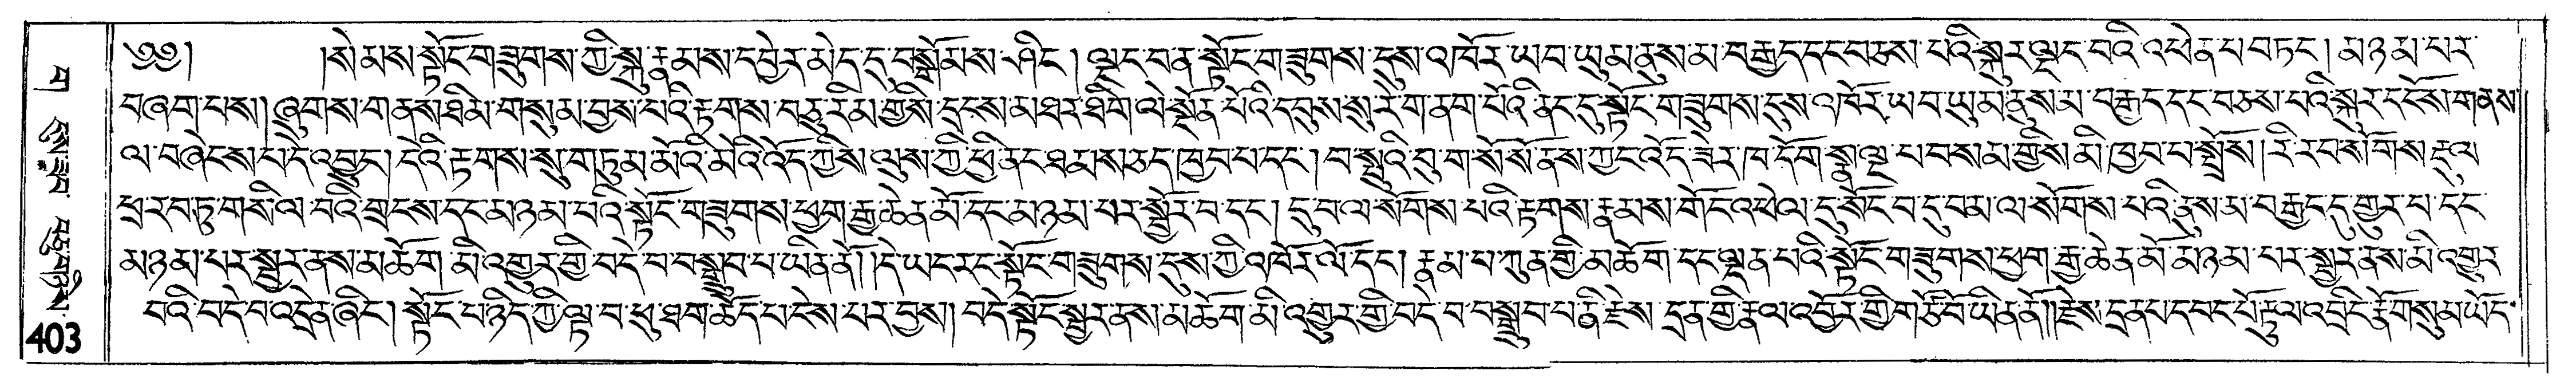༄༅། །སེམས་སྟོང་གཟུགས་ཀྱི་སྐུ་རྣམས་དབྱེར་མེད་དུ་བསྒོམས་ཤིང་། ལྡང་བ་ན་སྟོང་གཟུགས་དུས་འཁོར་ཡབ་ཡུམ་ནུས་མ་བརྒྱད་དང་བཅས་པའི་སྐུར་ལྡང་བའི་འཕེན་པ་བཏང་། མཉམ་པར་
བཞག་པས། ཞུགས་གནས་ཐིམ་གསུམ་བྱས་པའི་རྟགས་བཅུ་རིམ་གྱིས་དྲངས་མཐར་ཐིག་ལེ་སྔོན་པོའི་དབུས་སུ་རེ་ག་ནག་པོའི་ནང་དུ་སྟོང་གཟུགས་དུས་འཁོར་ཡབ་ཡུམ་ནུས་མ་བརྒྱད་དང་བཅས་པའི་སྐུར་དངོས་གནས་
ལ་བཞེངས་པ་དེ་འབྱུང་། དེའི་རྟགས་སུ་གཏུམ་མོའི་མེའི་འོད་ཀྱིས་ལུས་ཀྱི་ཕྱི་ནང་ཐམས་ཅད་ཁྱབ་པ་དང་། བ་སྤུའི་བུ་ག་སོ་སོ་ནས་ཀྱང་འོད་ཟེར་ཁ་དོག་སྣ་ལྔ་པ་བསམ་གྱིས་མི་ཁྱབ་པ་སྤྲོས། རི་རབ་སོགས་རྡུལ་
ཕྲ་རབ་ཏུ་གསིལ་བའི་གྲངས་དང་མཉམ་པའི་སྟོང་གཟུགས་ཕྱག་རྒྱ་ཆེན་མོ་དང་མཉམ་པར་སྦྱོར་བ་དང་། དུ་བ་ལ་སོགས་པའི་རྟགས་རྣམས་གོང་འཕེལ་དུ་སོང་བ་དུ་བ་མ་ལ་སོགས་པའི་ནུས་མ་བརྒྱད་དུ་གྱུར་པ་དང་
མཉམ་པར་སྦྱར་ནས་མཆོག་མི་འགྱུར་གྱི་བདེ་བ་བསྒྲུབ་པ་ཡིན་ནོ། །དེ་ཡང་རང་སྟོང་གཟུགས་དུས་ཀྱི་འཁོར་ལོ་དང་། རྣམ་པ་ཀུན་གྱི་མཆོག་དང་ལྡན་པའི་སྟོང་གཟུགས་ཕྱག་རྒྱ་ཆེན་མོ་མཉམ་པར་སྦྱར་ནས་མི་འགྱུར་
བའི་བདེ་བ་འདྲེན་ཞིང་། སྟོང་པ་ཉིད་ཀྱི་ལྟ་བ་ཕུ་ཐག་ཆོད་པ་ངེས་པར་བྱས། བདེ་སྟོང་སྦྱར་ནས་མཆོག་མི་འགྱུར་གྱི་བདེ་བ་བསྒྲུབ་པ་ནི་རྗེས་དྲན་གྱི་རྣལ་འབྱོར་གྱི་གཙོ་བོ་ཡིན་ནོ། །རྗེས་དྲན་པ་དབང་པོ་རྟུལ་འབྲིང་རྣོ་གསུམ་ཡོད་